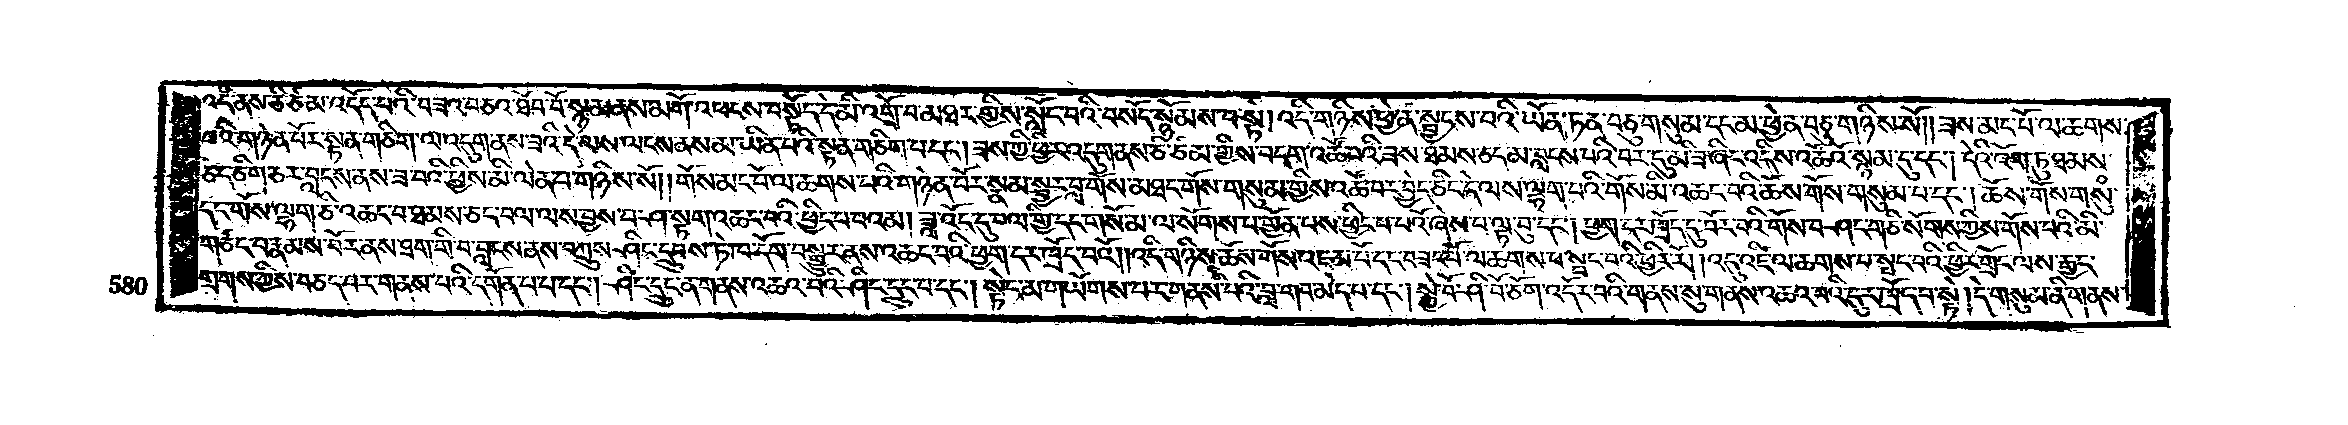འདི་ནས་ཅི་ཙམ་འདོད་པའི་བཟའ་བཅའ་ཐོབ་བོ་སྙམ་ནས་མགོ་འཕངས་བསྟོད་དེ་མི་འགྲོ་བ་མཐར་གྱིས་སློང་བའི་བསོད་སྙོམས་པ་སྟེ། འདི་གཉིས་ཕྱེ་ན་སྦྱངས་པའི་ཡོན་ཏན་བཅུ་གསུམ་དང་མ་ཕྱེ་ན་བཅུ་གཉིས་སོ། །ཟས་མང་པོ་ལ་ཆགས་
པའི་གཉེན་པོར་སྟན་གཅིག་ལ་འདུག་ནས་ཟའི་དེ་ལས་ལངས་ནས་མ་ཡིན་པའི་སྟན་གཅིག་པ་དང་། ཟས་ཀྱི་ཕྱིར་འདུག་ནས་ཅི་ཙམ་གྱིས་བདག་འཚོ་བའི་ཟས་ཐམས་ཅད་མ་བླངས་པའི་བར་དུ་མི་ཟ་ཞིང་འདིས་འཚོའོ་སྙམ་དུ་དང་། དེའི་འོག་ཏུ་ཐམས་
ཅད་ཅིག་ཅར་བླངས་ནས་ཟ་བའི་ཕྱིས་མི་ལེན་པ་གཉིས་སོ། །གོས་མང་པོ་ལ་ཆགས་པའི་གཉེན་པོར་སྣམ་སྦྱར་བླ་གོས་མཐང་གོས་གསུམ་གྱིས་འཚོ་བར་བྱེད་ཅིང་དེ་ལས་ལྷག་པའི་གོས་མི་འཆང་བའི་ཆོས་གོས་གསུམ་པ་དང་། ཆོས་གོས་གསུམ་
དང་གོས་ལྷག་ཅི་འཆང་བ་ཐམས་ཅད་བལ་ལས་བྱས་པ་ཤ་སྟག་འཆང་བའི་ཕྱིང་པ་པའམ། ཟླ་འོད་དུ་བལ་གྱི་དང་གསོ་མ་ལ་སོགས་པ་གྱོན་པས་ཕྱིང་བ་བའོ་ཞེས་པ་ལྟ་བུ་དང་། ཕྱག་དར་ཁྲོད་དུ་བོར་བའི་གོས་བཤད་གཅི་སོགས་ཀྱིས་གོས་པའི་མི་
གཙང་བ་རྣམས་བོར་ནས་ཐག་གི་བ་བླངས་ནས་བཀྲུས་ཤིང་དྲུབས་ཏེ་ཁ་དོག་བསྒྱུར་ནས་འཆང་བའི་ཕྱག་དར་ཁྲོད་པའོ། །འདི་གཉིས་ཆོས་གོས་འཇམ་པོ་དང་བཟང་པོ་ལ་ཆགས་པ་སྤང་བའི་ཕྱིར་རོ། །འདུ་འཛི་ལ་ཆགས་པ་སྤང་བའི་ཕྱིར་གྲོང་ལས་རྒྱང་
གྲགས་ཀྱིས་བཅད་པར་གནས་པའི་དགོན་པ་པ་དང་། ཤིང་དྲུང་ན་གནས་འཆའ་བའི་ཤིང་དྲུང་བ་དང་། སྟེང་མ་གཡོགས་པར་གནས་པའི་བླ་གབ་མེད་པ་དང་། སྐྱེ་བོ་ཤི་བོ་ཅོག་འདོར་བའི་གནས་སུ་གནས་འཆའ་བའི་དུར་ཁྲོད་པ་སྟེ། དེ་གསུམ་ནི་གནས་